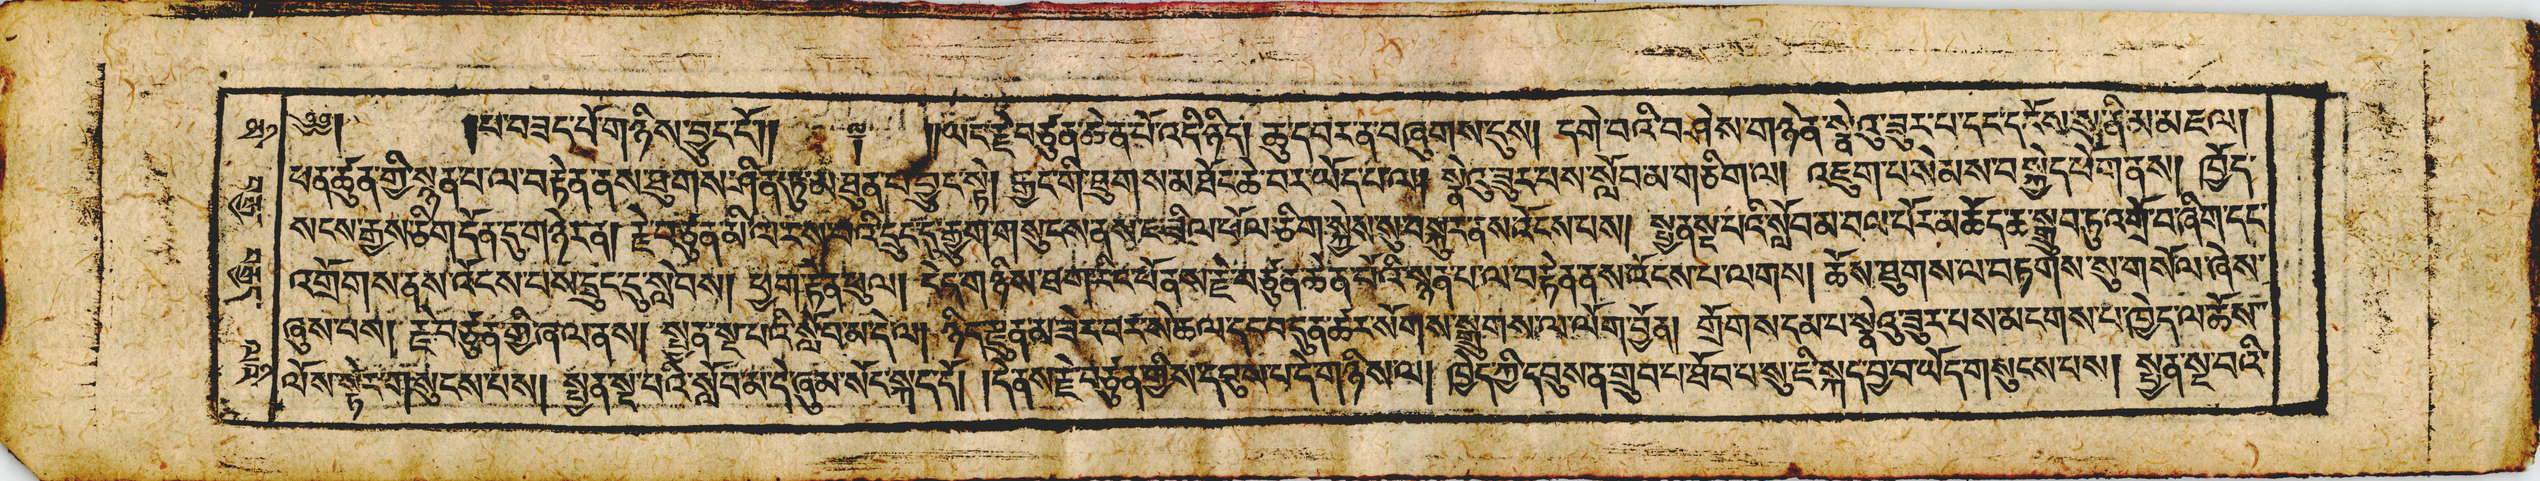པ་བཟང་པོ་གཉིས་བྱུང་ངོ་།། ཡང་རྗེ་བཙུན་ཆེན་པོ་འདི་ཉིད། ཆུ་དབར་ན་བཞུགས་དུས། དགེ་བའི་བཤེས་གཉེན་སྣེའུ་ཟུར་པ་དང་དངོས་སུ་ནི་མ་མཇལ། །
ཕན་ཚུན་གྱི་སྙན་པ་ལ་བརྟེན་ནས་ཐུགས་ཤིན་ཏུ་མཐུན་པ་བྱུང་སྟེ། རྒྱང་གི་ཐུགས་མཐོང་ཆེ་བར་ཡོད་པ་ལ། སྣེའུ་ཟུར་པས་སློབ་མ་གཅིག་ལ། འཇུག་པ་སེམས་བསྐྱེད་ཕོག་ནས། ཁྱོད་
སངས་རྒྱས་ཅིག་དོན་དུ་གཉེར་ན། རྗེ་བཙུན་མི་ལ་རས་པའི་དྲུང་དུ་རྒྱུག་གསུངས་ནས་ཇ་ཟིལ་ཕོལ་ཅིག་སྐྱེས་སུ་བསྐུར་ནས་འོངས་པས། སྤྱན་སྔ་བའི་སློབ་མ་བལ་པོར་མཆོད་ཆ་སྒྲུབ་ཏུ་འགྲོ་བ་ཞིག་དང་
འགྲོགས་ནས་འོངས་པས་དྲུང་དུ་སླེབས། ཕྱག་རྟེན་ཕུལ། ངེད་གཉིས་ཐག་རིང་པོ་ནས་རྗེ་བཙུན་ཆེན་པོའི་སྙན་པ་ལ་བརྟེན་ནས་འོངས་པ་ལགས། ཆོས་ཐུགས་ལ་བཏགས་སུ་གསོལ་ཞེས་
ཞུས་པས། རྗེ་བཙུན་གྱི་ཞལ་ནས། སྤྱན་སྔ་པའི་སློབ་མ་དེ་ལ། ཉིད་རྫུན་མ་ཟེར་བར་སེ་ཆལ་དང་བདུན་ཚར་སོགས་སྒྲུགས་ལ་ལོག་བྱོན། གྲོགས་དམ་པ་སྣེའུ་ཟུར་པས་མངགས་པ་ཁྱེད་ལ་ཆོས་
ལོས་སྟེར་གསུངས་པས། སྤྱན་སྔ་བའི་སློབ་མ་དེ་ཞུམ་སོང་སྐད་དོ། །དེ་ནས་རྗེ་བཙུན་གྱིས་དབུས་པ་དེ་གཉིས་ལ། ཁྱེད་ཀྱི་དབུས་ན་གྲུབ་པ་ཐོབ་པ་སུ་ཇི་སྐད་བྱ་བ་ཡོད་གསུངས་པས། སྤྱན་སྔ་བའི་